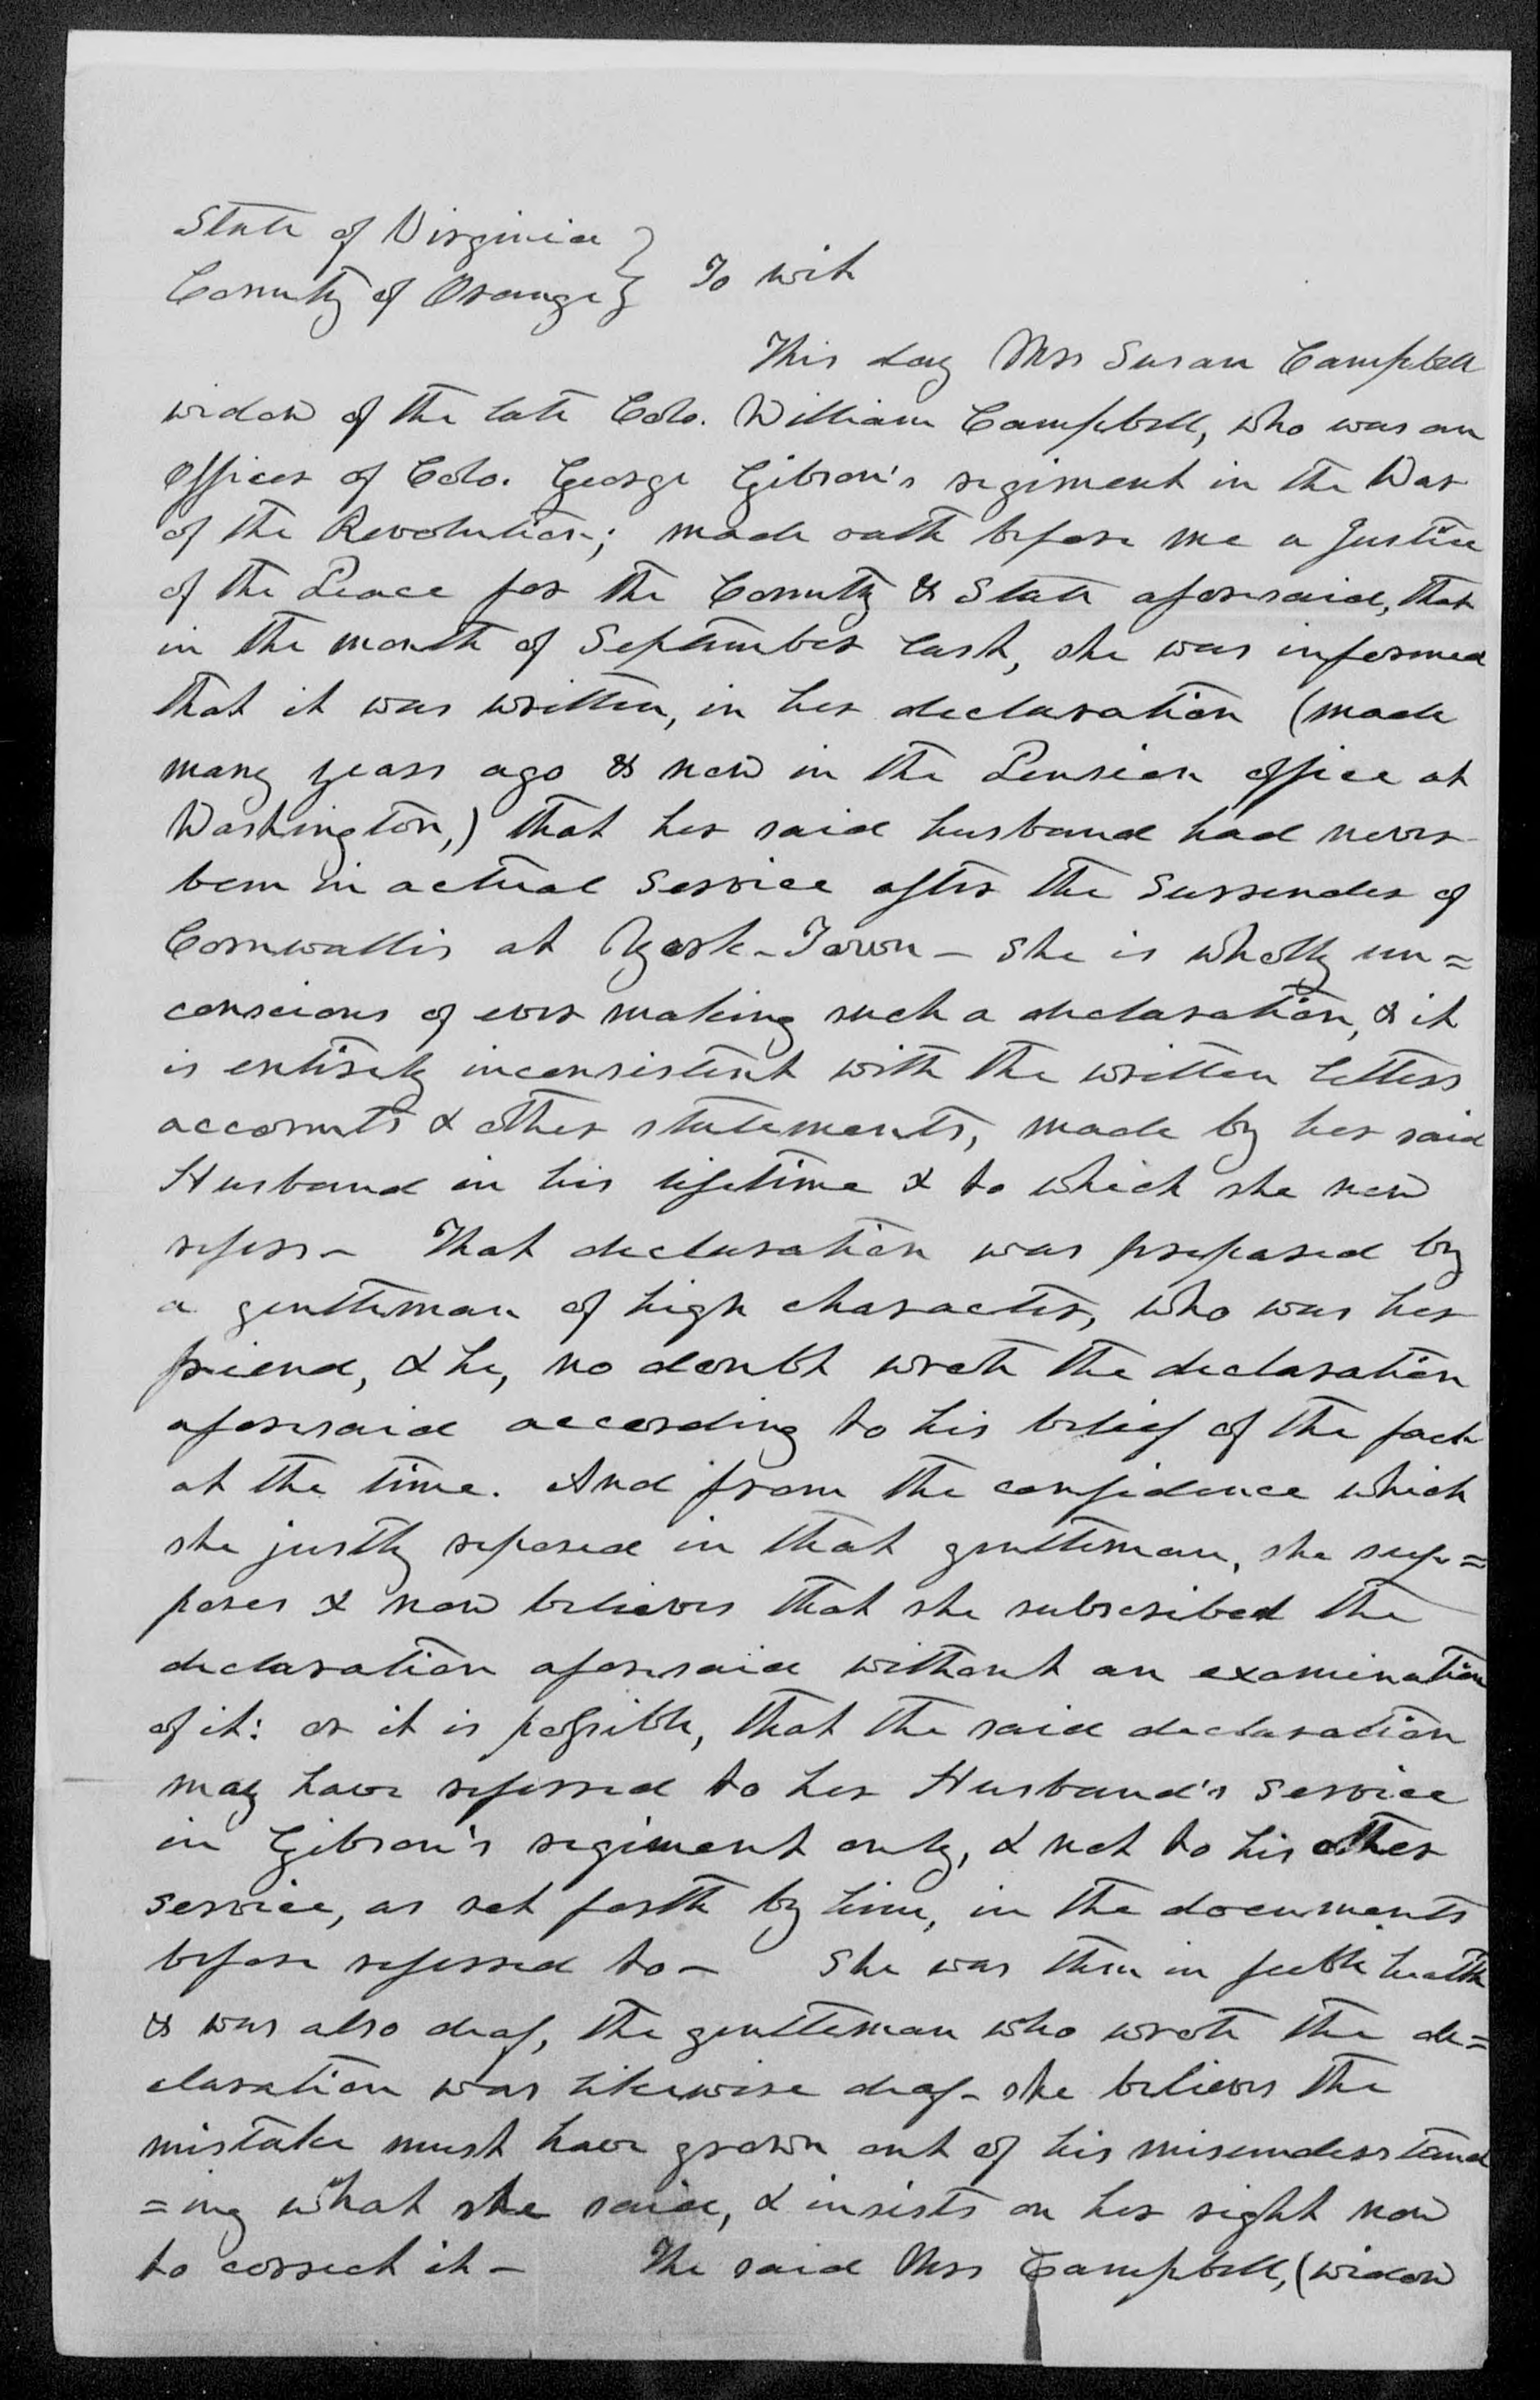State of Virginia
County of Orange

To wit
This day Mrs Susan Campbell widow of the late Colo. William Campbell, who was an officer of Colo. George Gibson's regiment in the War of the Revolution;  made oath before me a Justice of the Peace for the County +[and] State aforesaid, that in the month of September last, she was informed that it was written in her declaration (made many years ago & [and] not in the Pension office at Washington,) that her said husband had never been in actual service after the surrender of Cornwallis at  York _ Town __ She is wholly unconscious of ever making such a declaration, & [and] it is entirely inconsistent with the written letters, accounts & [and] other statements, made by her said Husband in his lifetime  +[and] to which she now refers __.  That declaration was prepared by a gentleman of high character who was her friend, +[and] by no doubt wroth the declaration aforesaid according to his belief of the facts at the time.  And from the confidence which she justly reposed in that gentleman, she supposes +[and] now believes that she subscribed the declaration aforesaid without an examination of it:  or it is possible, that the said declaration may have referred to her Husband's service in Gibson's regiment only, +[and] not to his other service, as set forth by him, in the documents before referred to __    She was then in feeble health & [and] was also deaf, the gentleman who wroth the declaration was likewise deaf.  she believes the mistake must have grown out of his misunderstanding what she said, +[and] insists on her right now to correct it ___   The said Mrs Campbell, (widow)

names: Susan Campbell, William Campbell, Campbell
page: 247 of 267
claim: widow's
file: W. 4,149, William Campbell, Va.